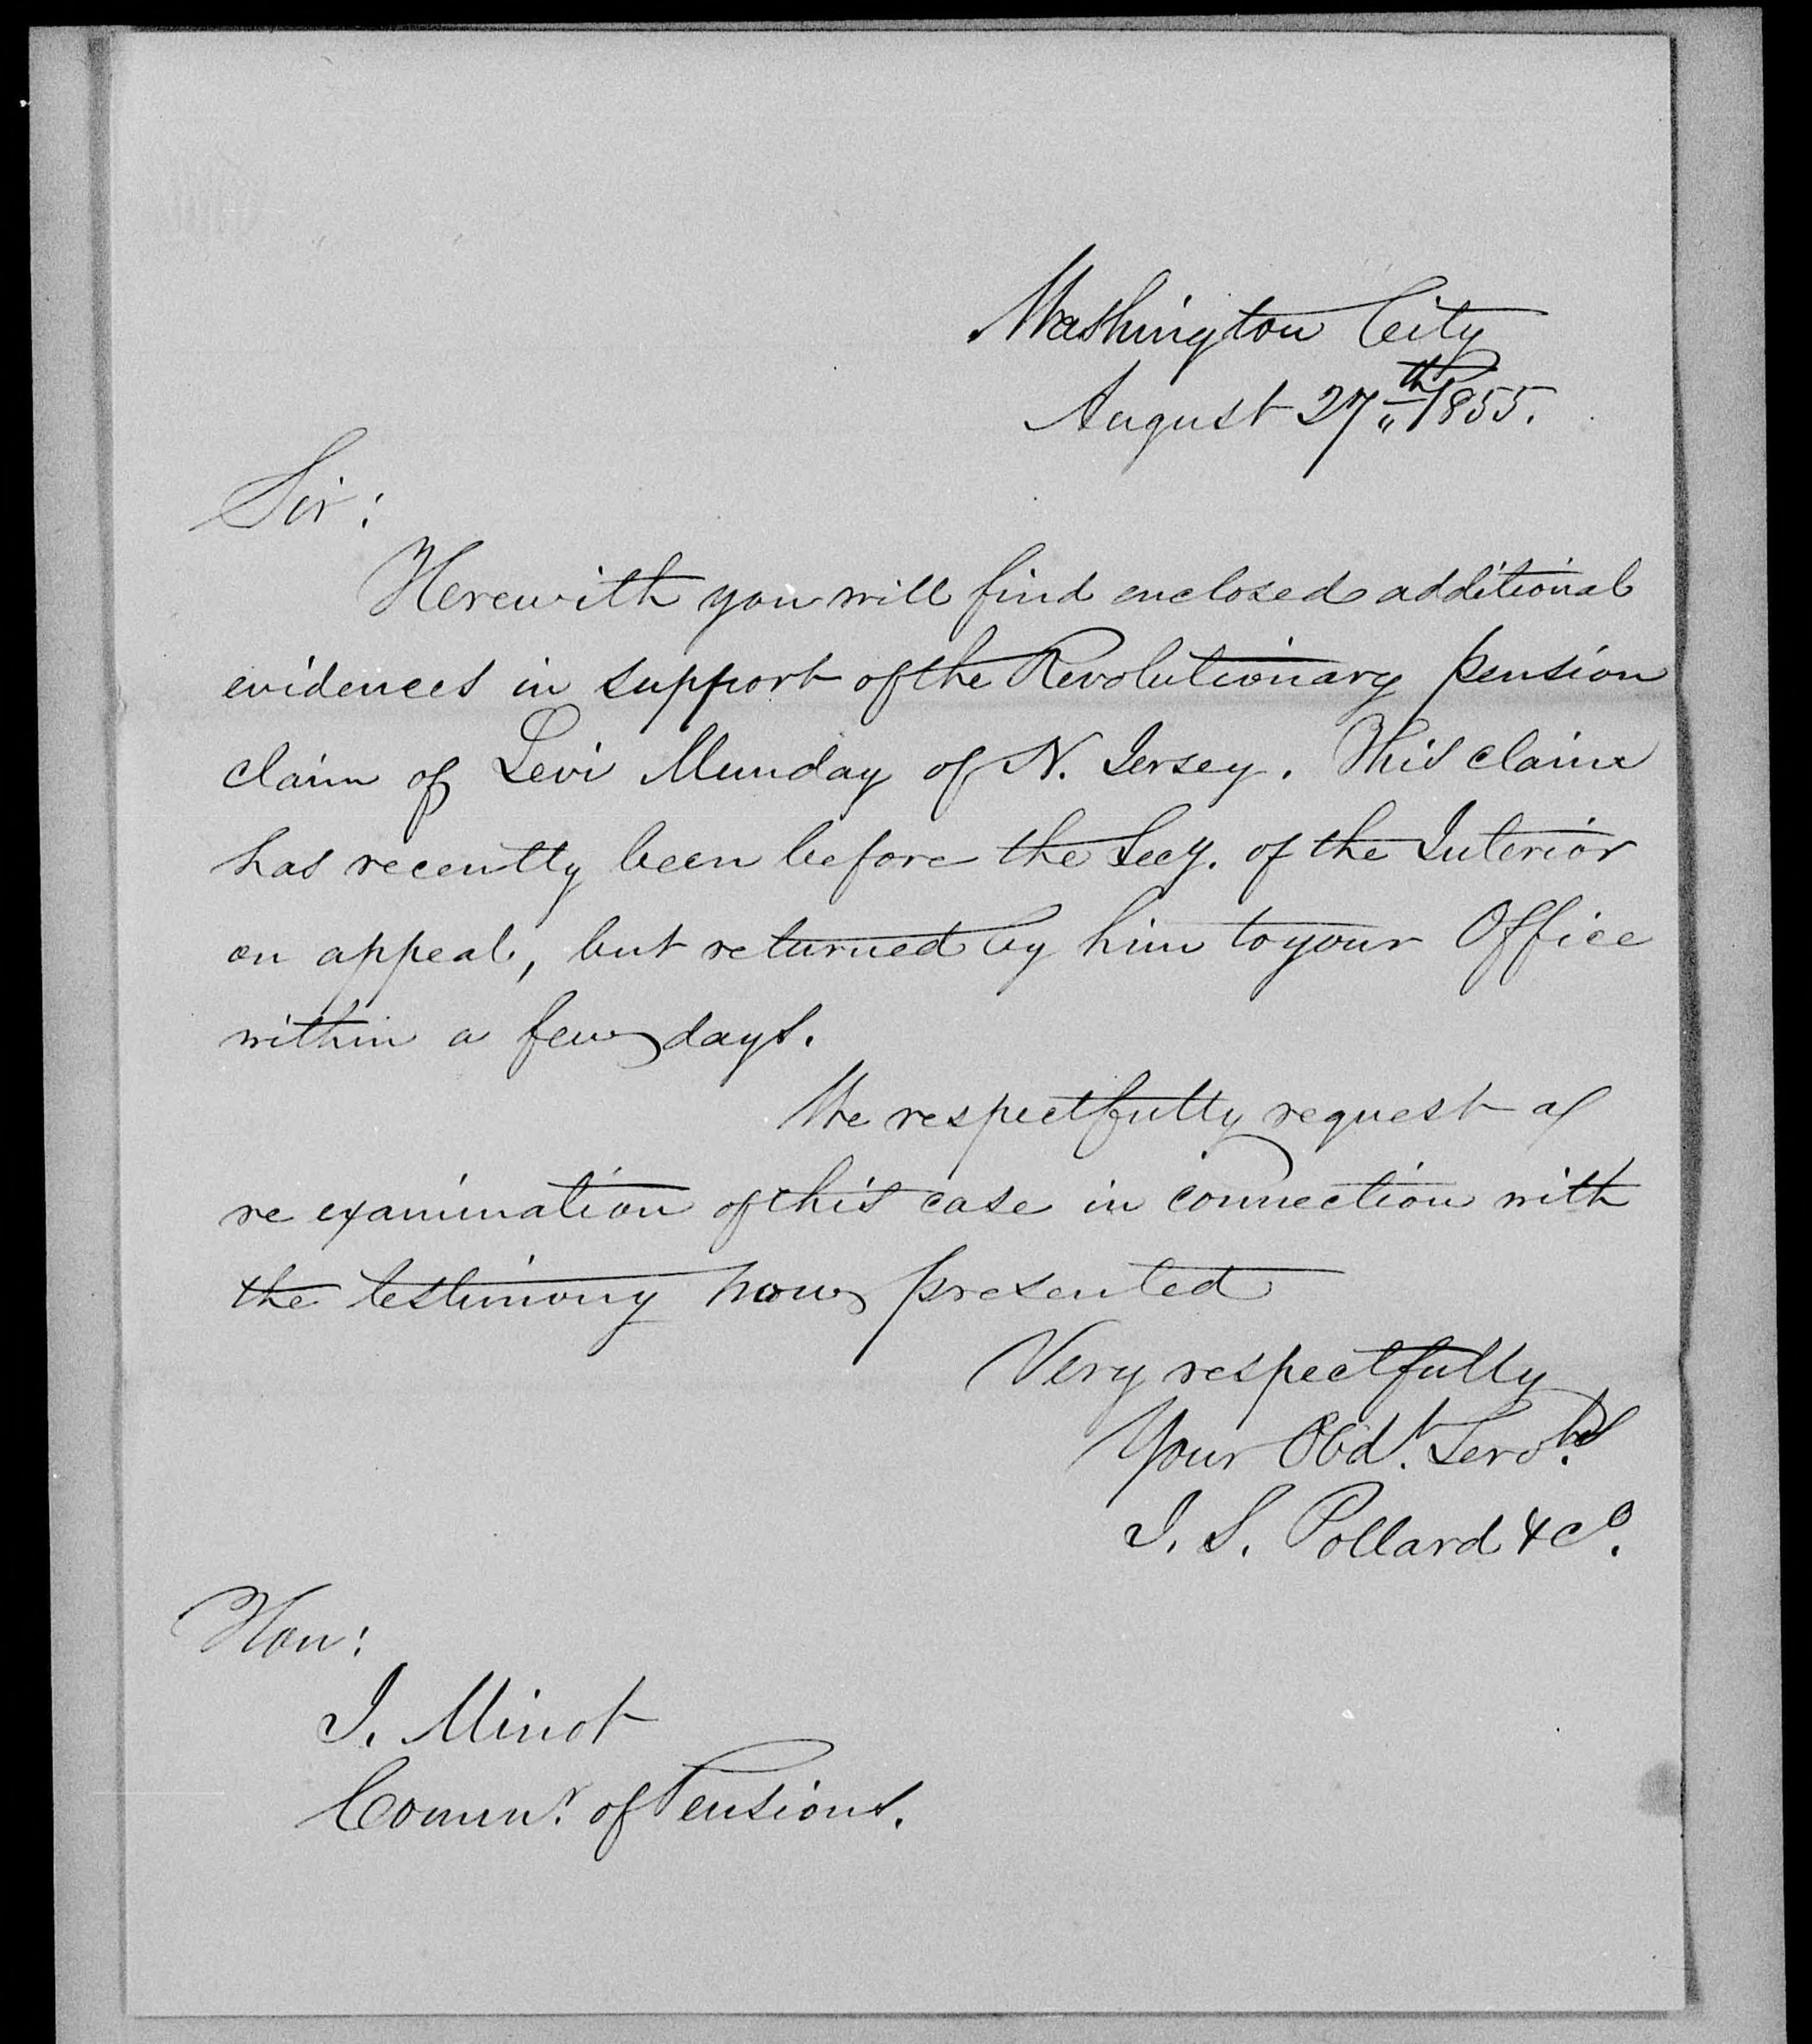Washington City
August 27th 1855.

Sir:

Herewith you will find enclosed additional evidence in support of the Revolutionary pension claim of Levi Munday of N. Jersey. This claim has recently been before the Sec. of the Interior on appeal, but returned by him to your office within a few days.

We respectfully request a re-examination of this case in connection with the testimony now presented.

Very respectfully your obe(dient) ser(vant),
s/ J.S. Pollard &c.

Hon: J. Minot, Com(missioner) of Pensions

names: Levi Munday; J Minot; J S Pollard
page: 88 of 95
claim: survivor's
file: S 2889, for Levi Mundy, New Jersey